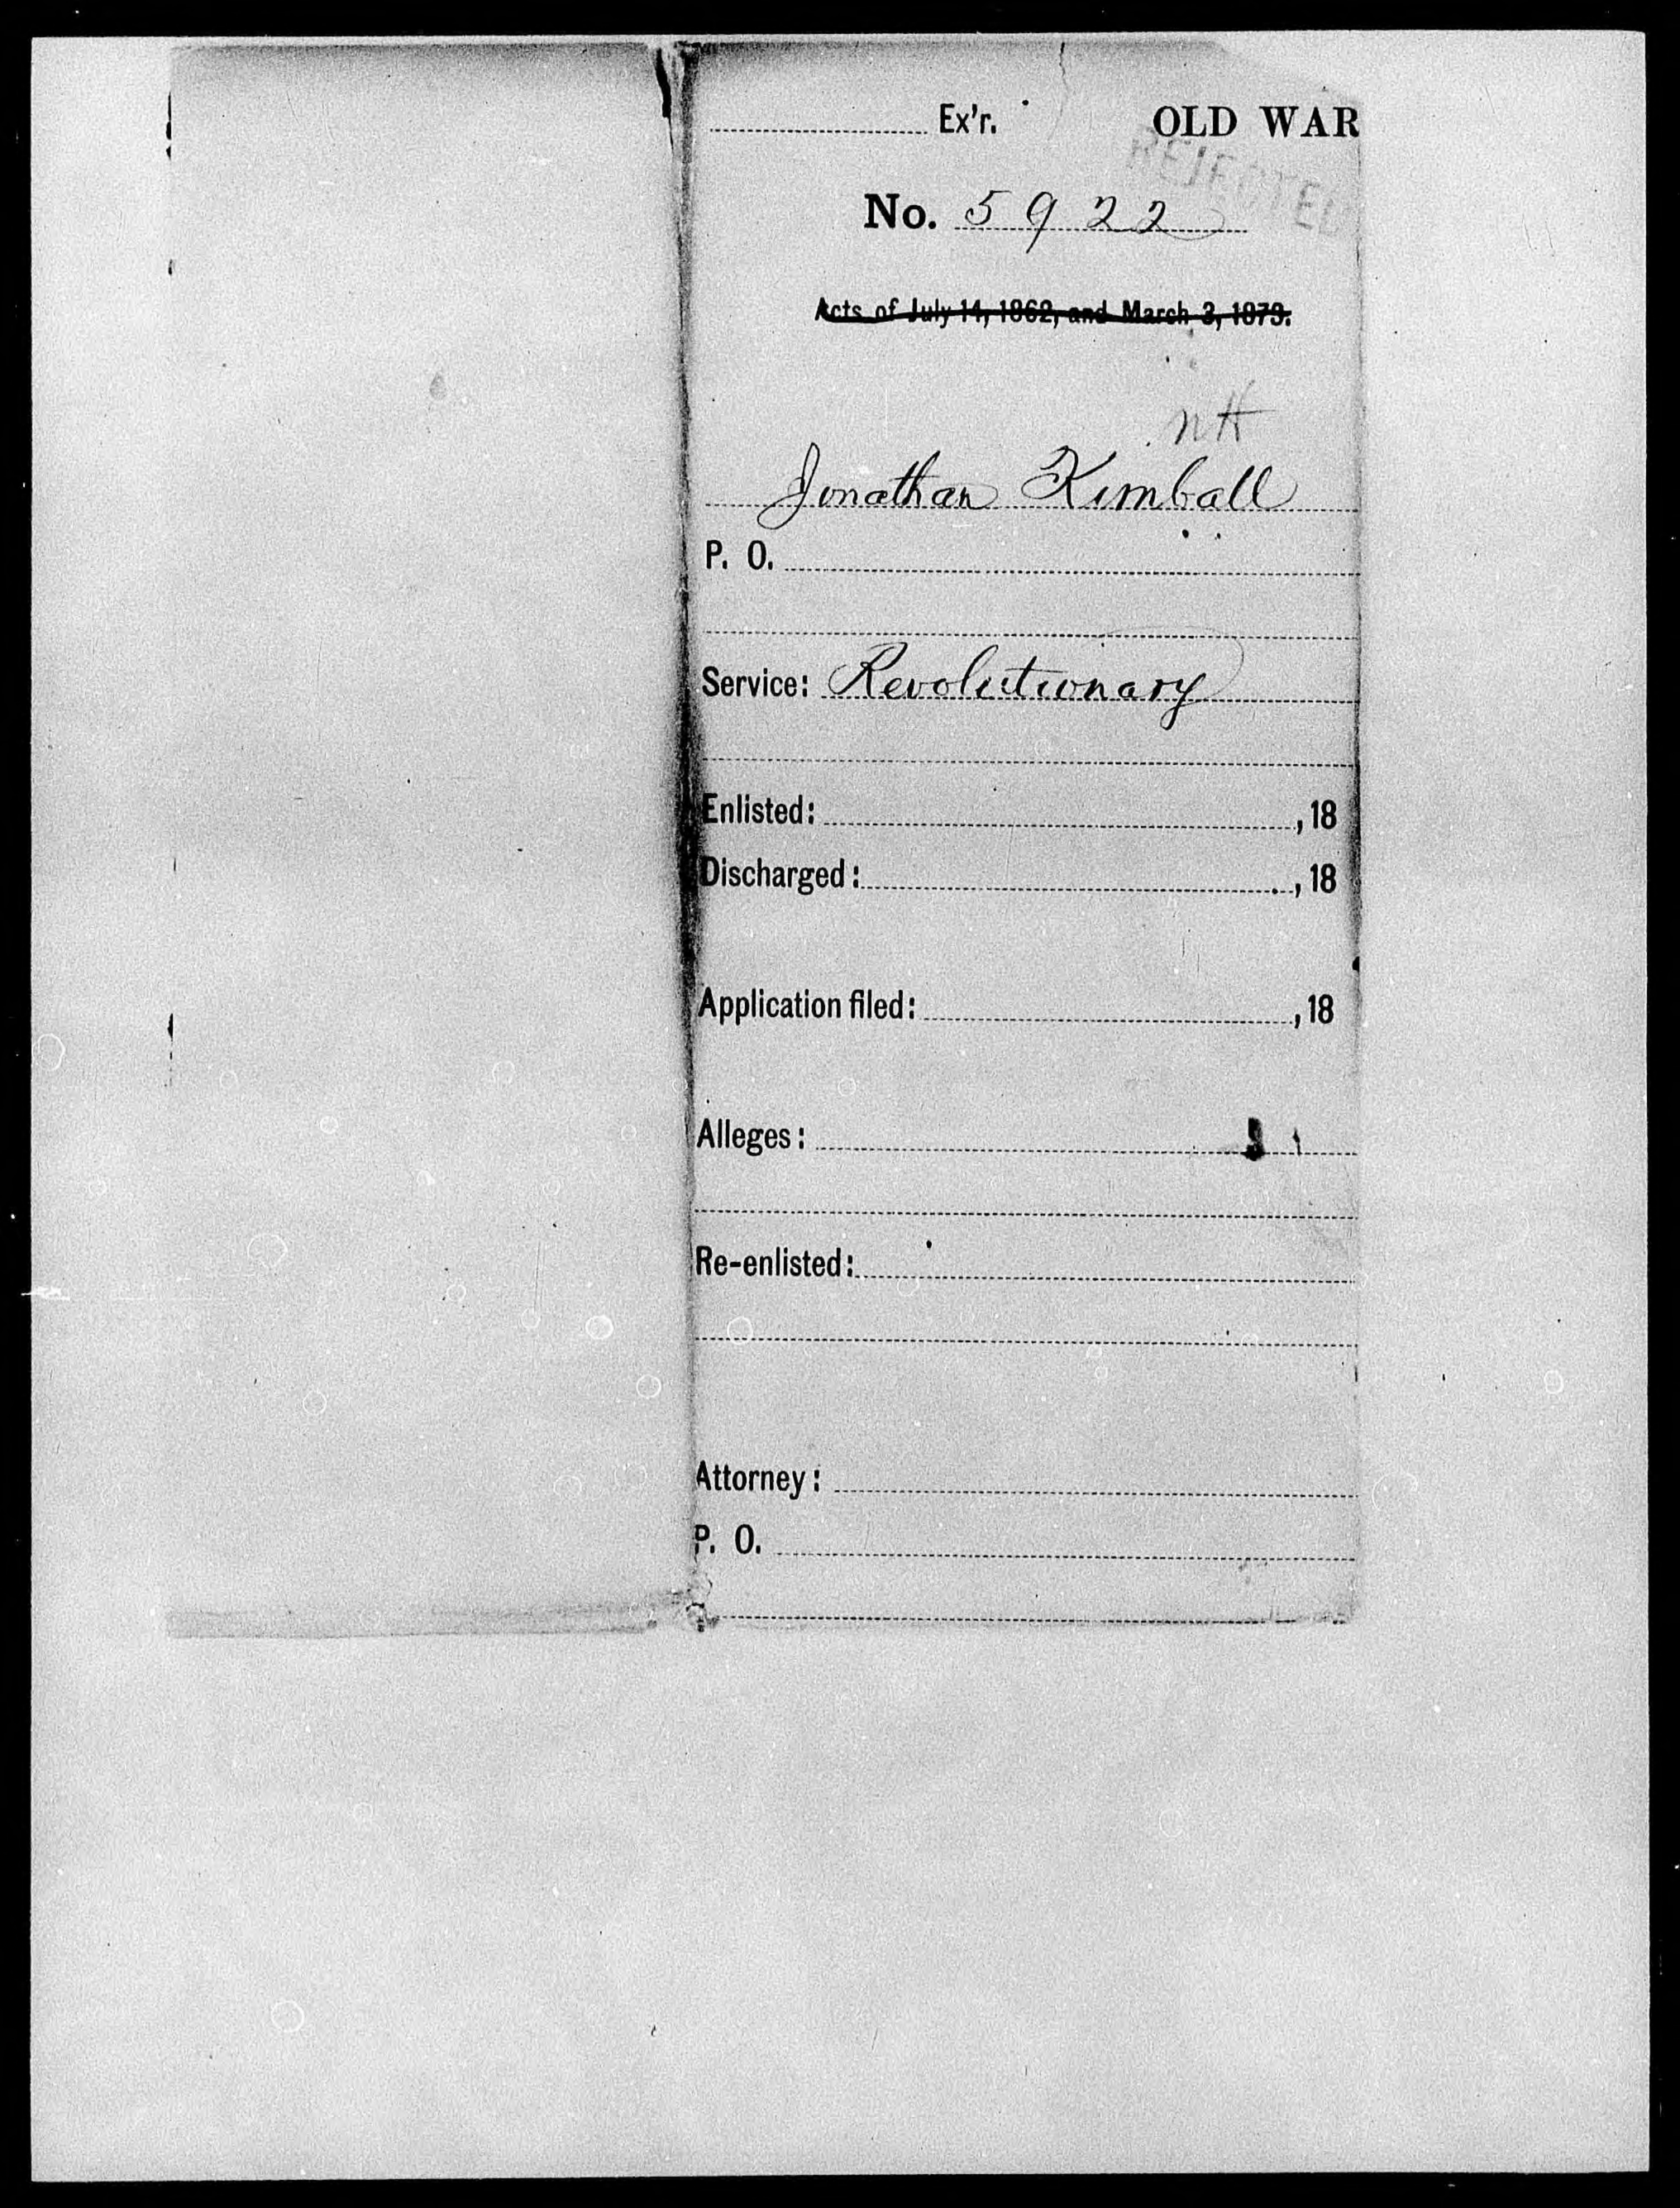Ex'r. OLD WAR REJECTED
No. 5922
Act of July 14, 1862, March 3, 1879. [this line crossed out]

NH 
Jonathan Kimball
P. O. __
Service: Revolutionary
Enlisted: __,18
Discharged: __ ,18
Application filed: __,18
Alleges: __
Re-enlisted: __
Attorney: __
P.O __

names: Jonathan Kimball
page: 13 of 14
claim: rejected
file: R 5922, for Jonathan Kimball, New Hampshire